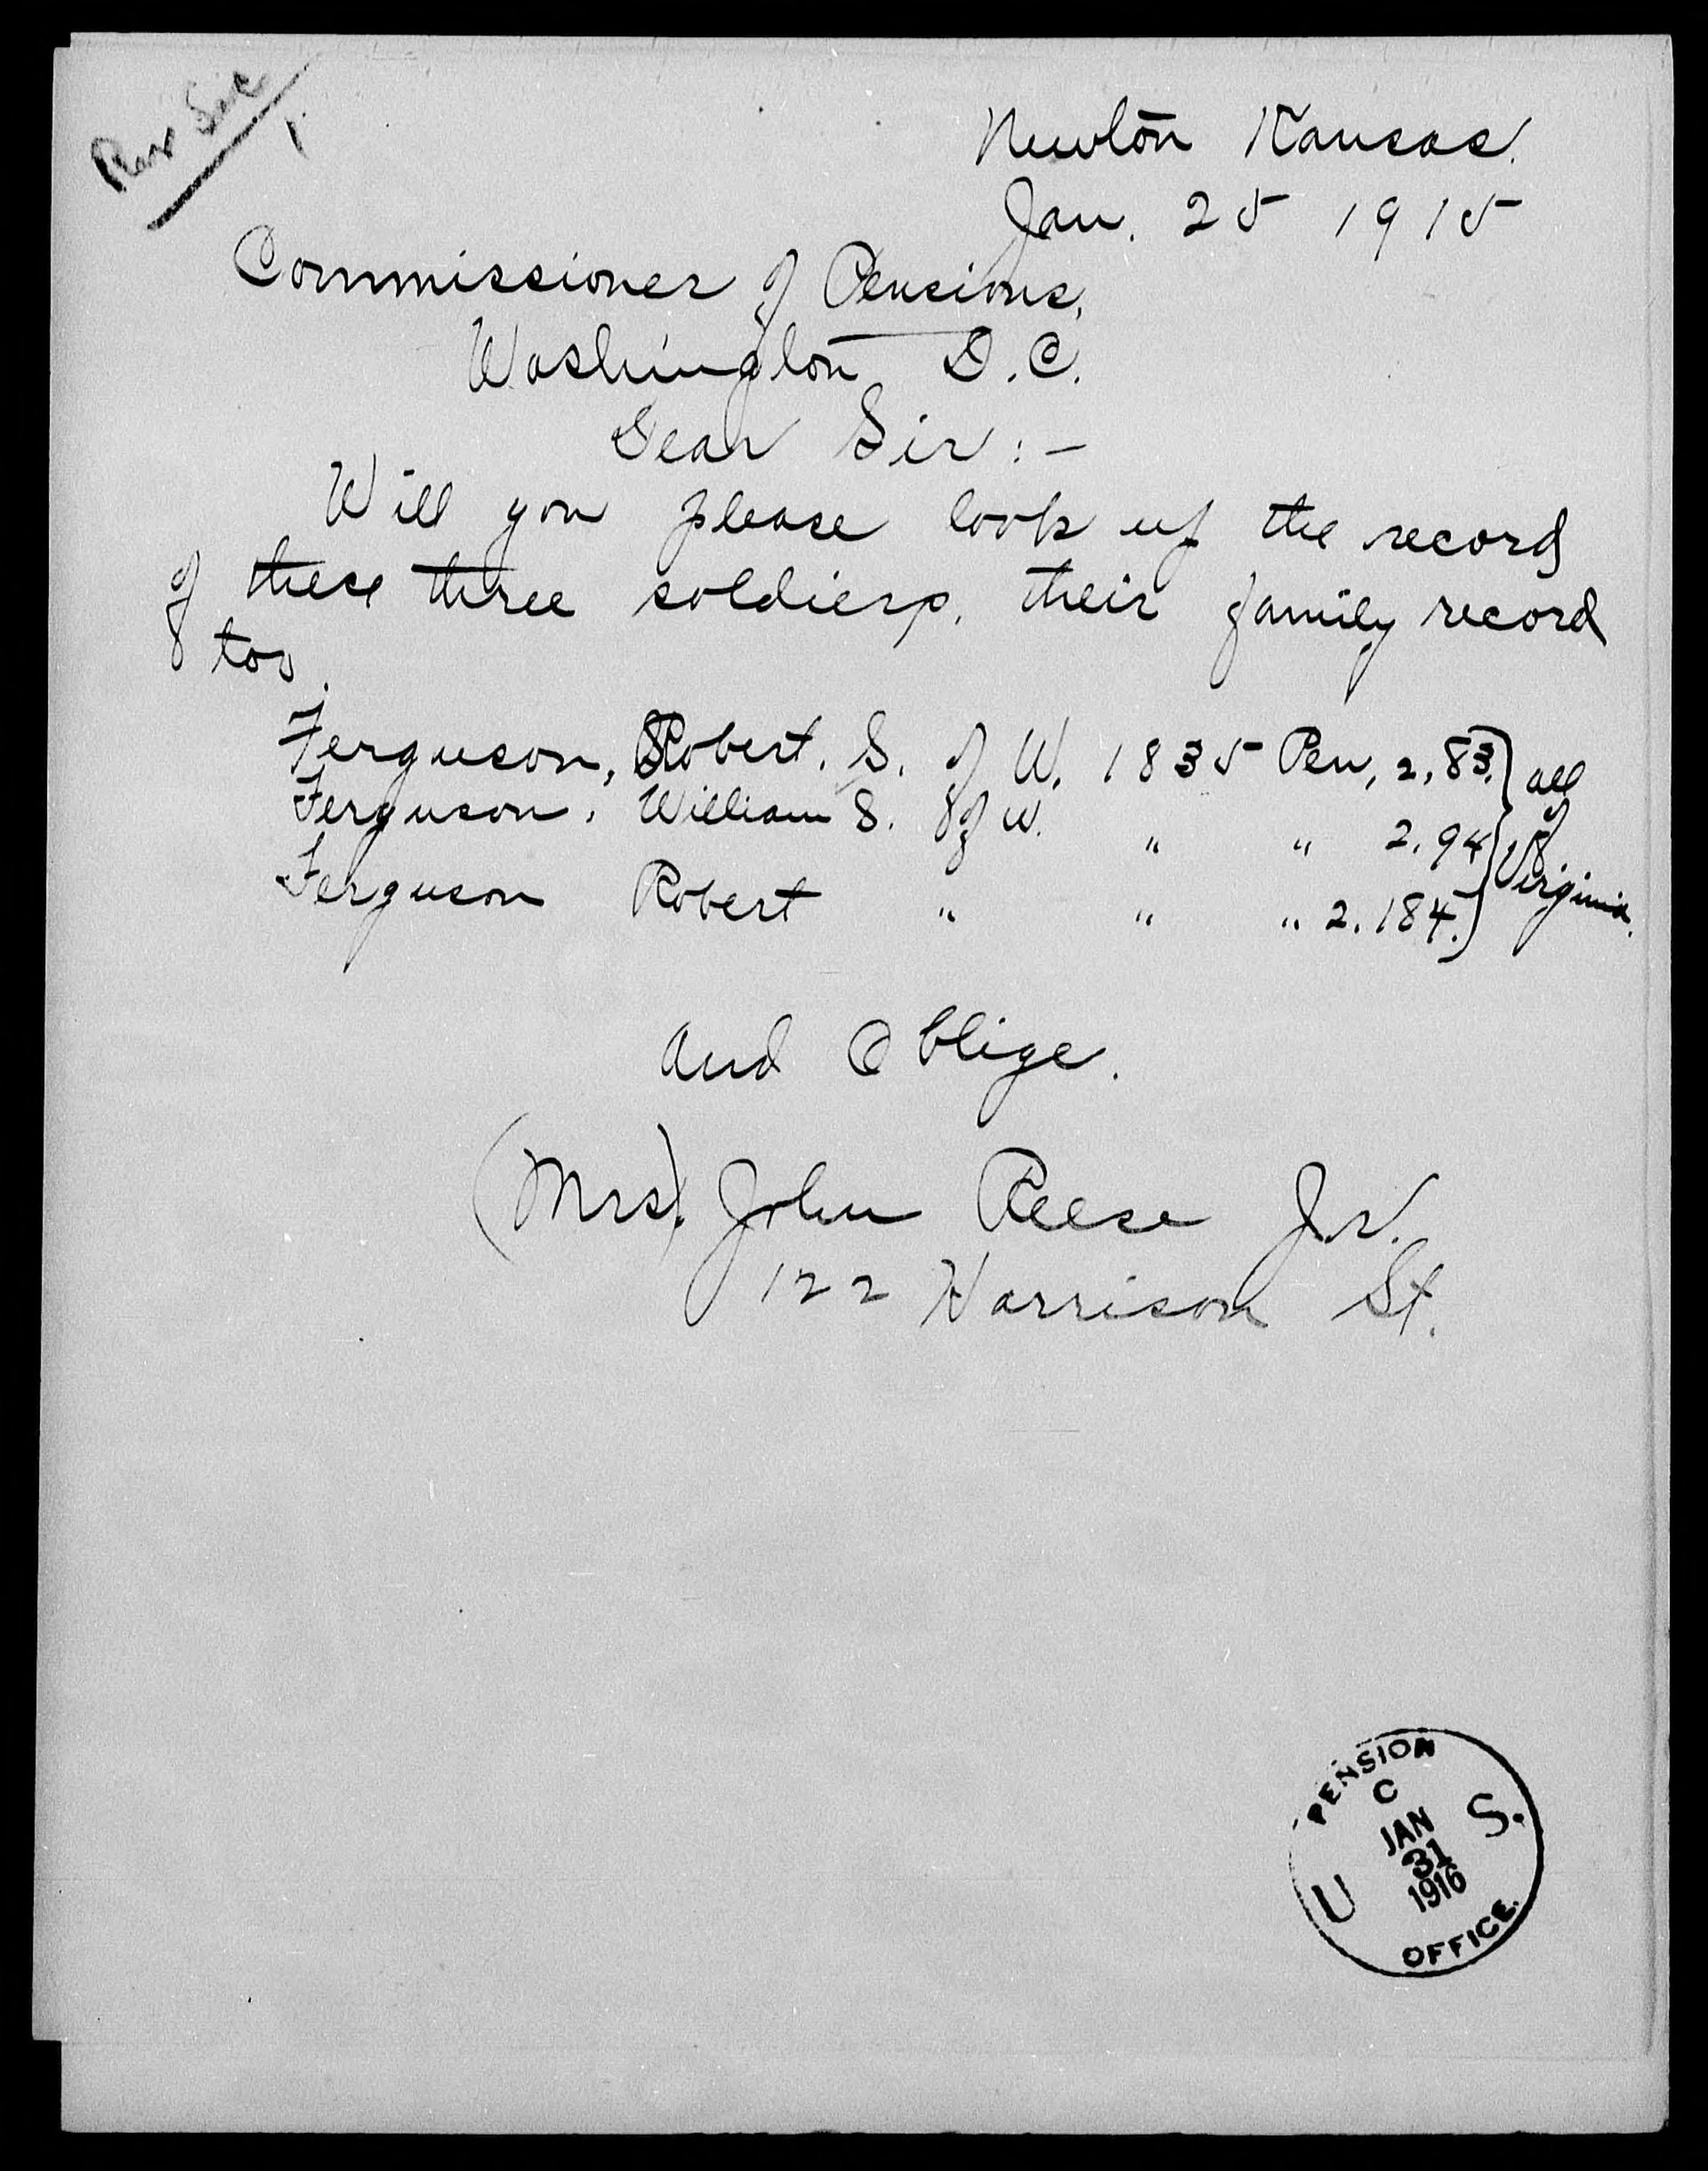Rare Save/1
Newton [Illegible]
Jan. 25 1915
Commissioner of Pensions
Washington D.C.
Sean Sir:-
Will you please look at the records of these three soldiers. Their family record too.
Ferguson, Robert. S.  of W. 1835 Pen, 2, 83.
Ferguson, William S. of W, 2, 94.
Ferguson Robert, 2.184.
All of Virginia.
And Oblige .
(Mrs.) John Reese Sr. 
122 Harrison St.

US Pension office, C
Jan 31, 1916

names: John Reese, Robert Ferguson, William Ferguson, Robert Ferguson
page: 79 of 81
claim: widow's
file: W. 7262, Robert Ferguson, Va.